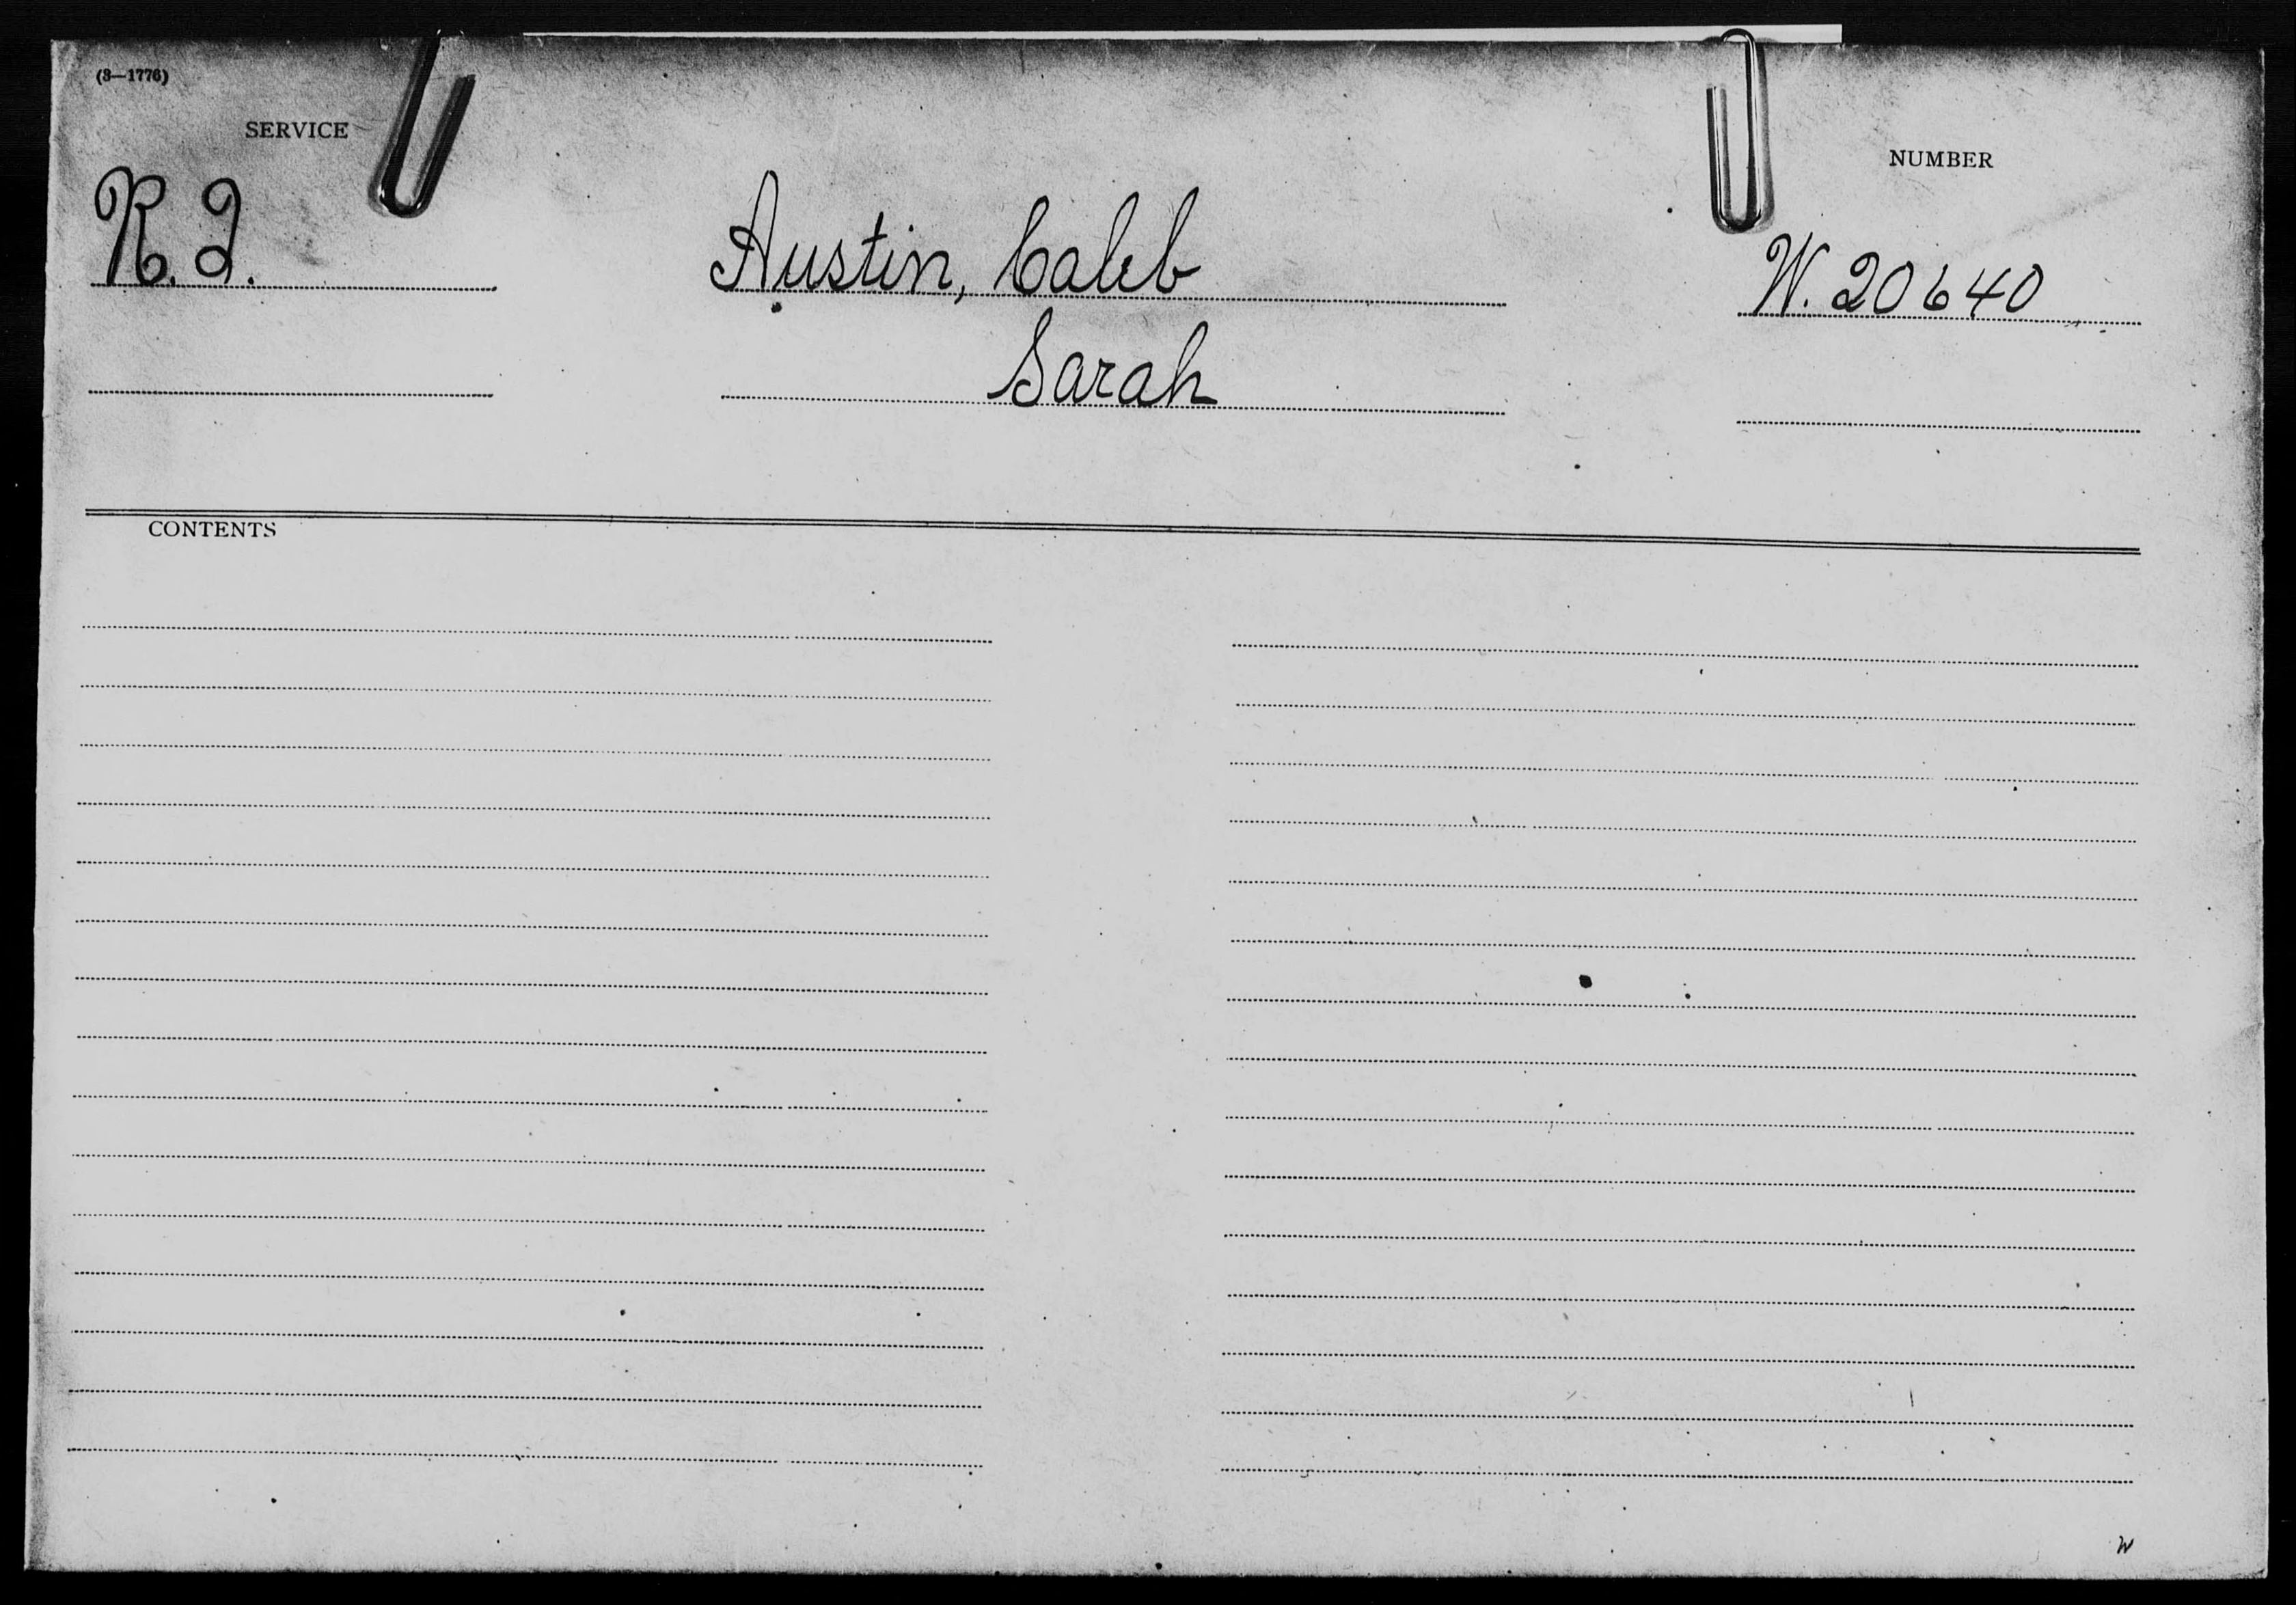(3—1776)
SERVICE
R. I.
Austin, Caleb
Sarah
NUMBER
W.20640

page: 1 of 18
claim: widow's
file: W. 20640, Caleb Austin, R.I.